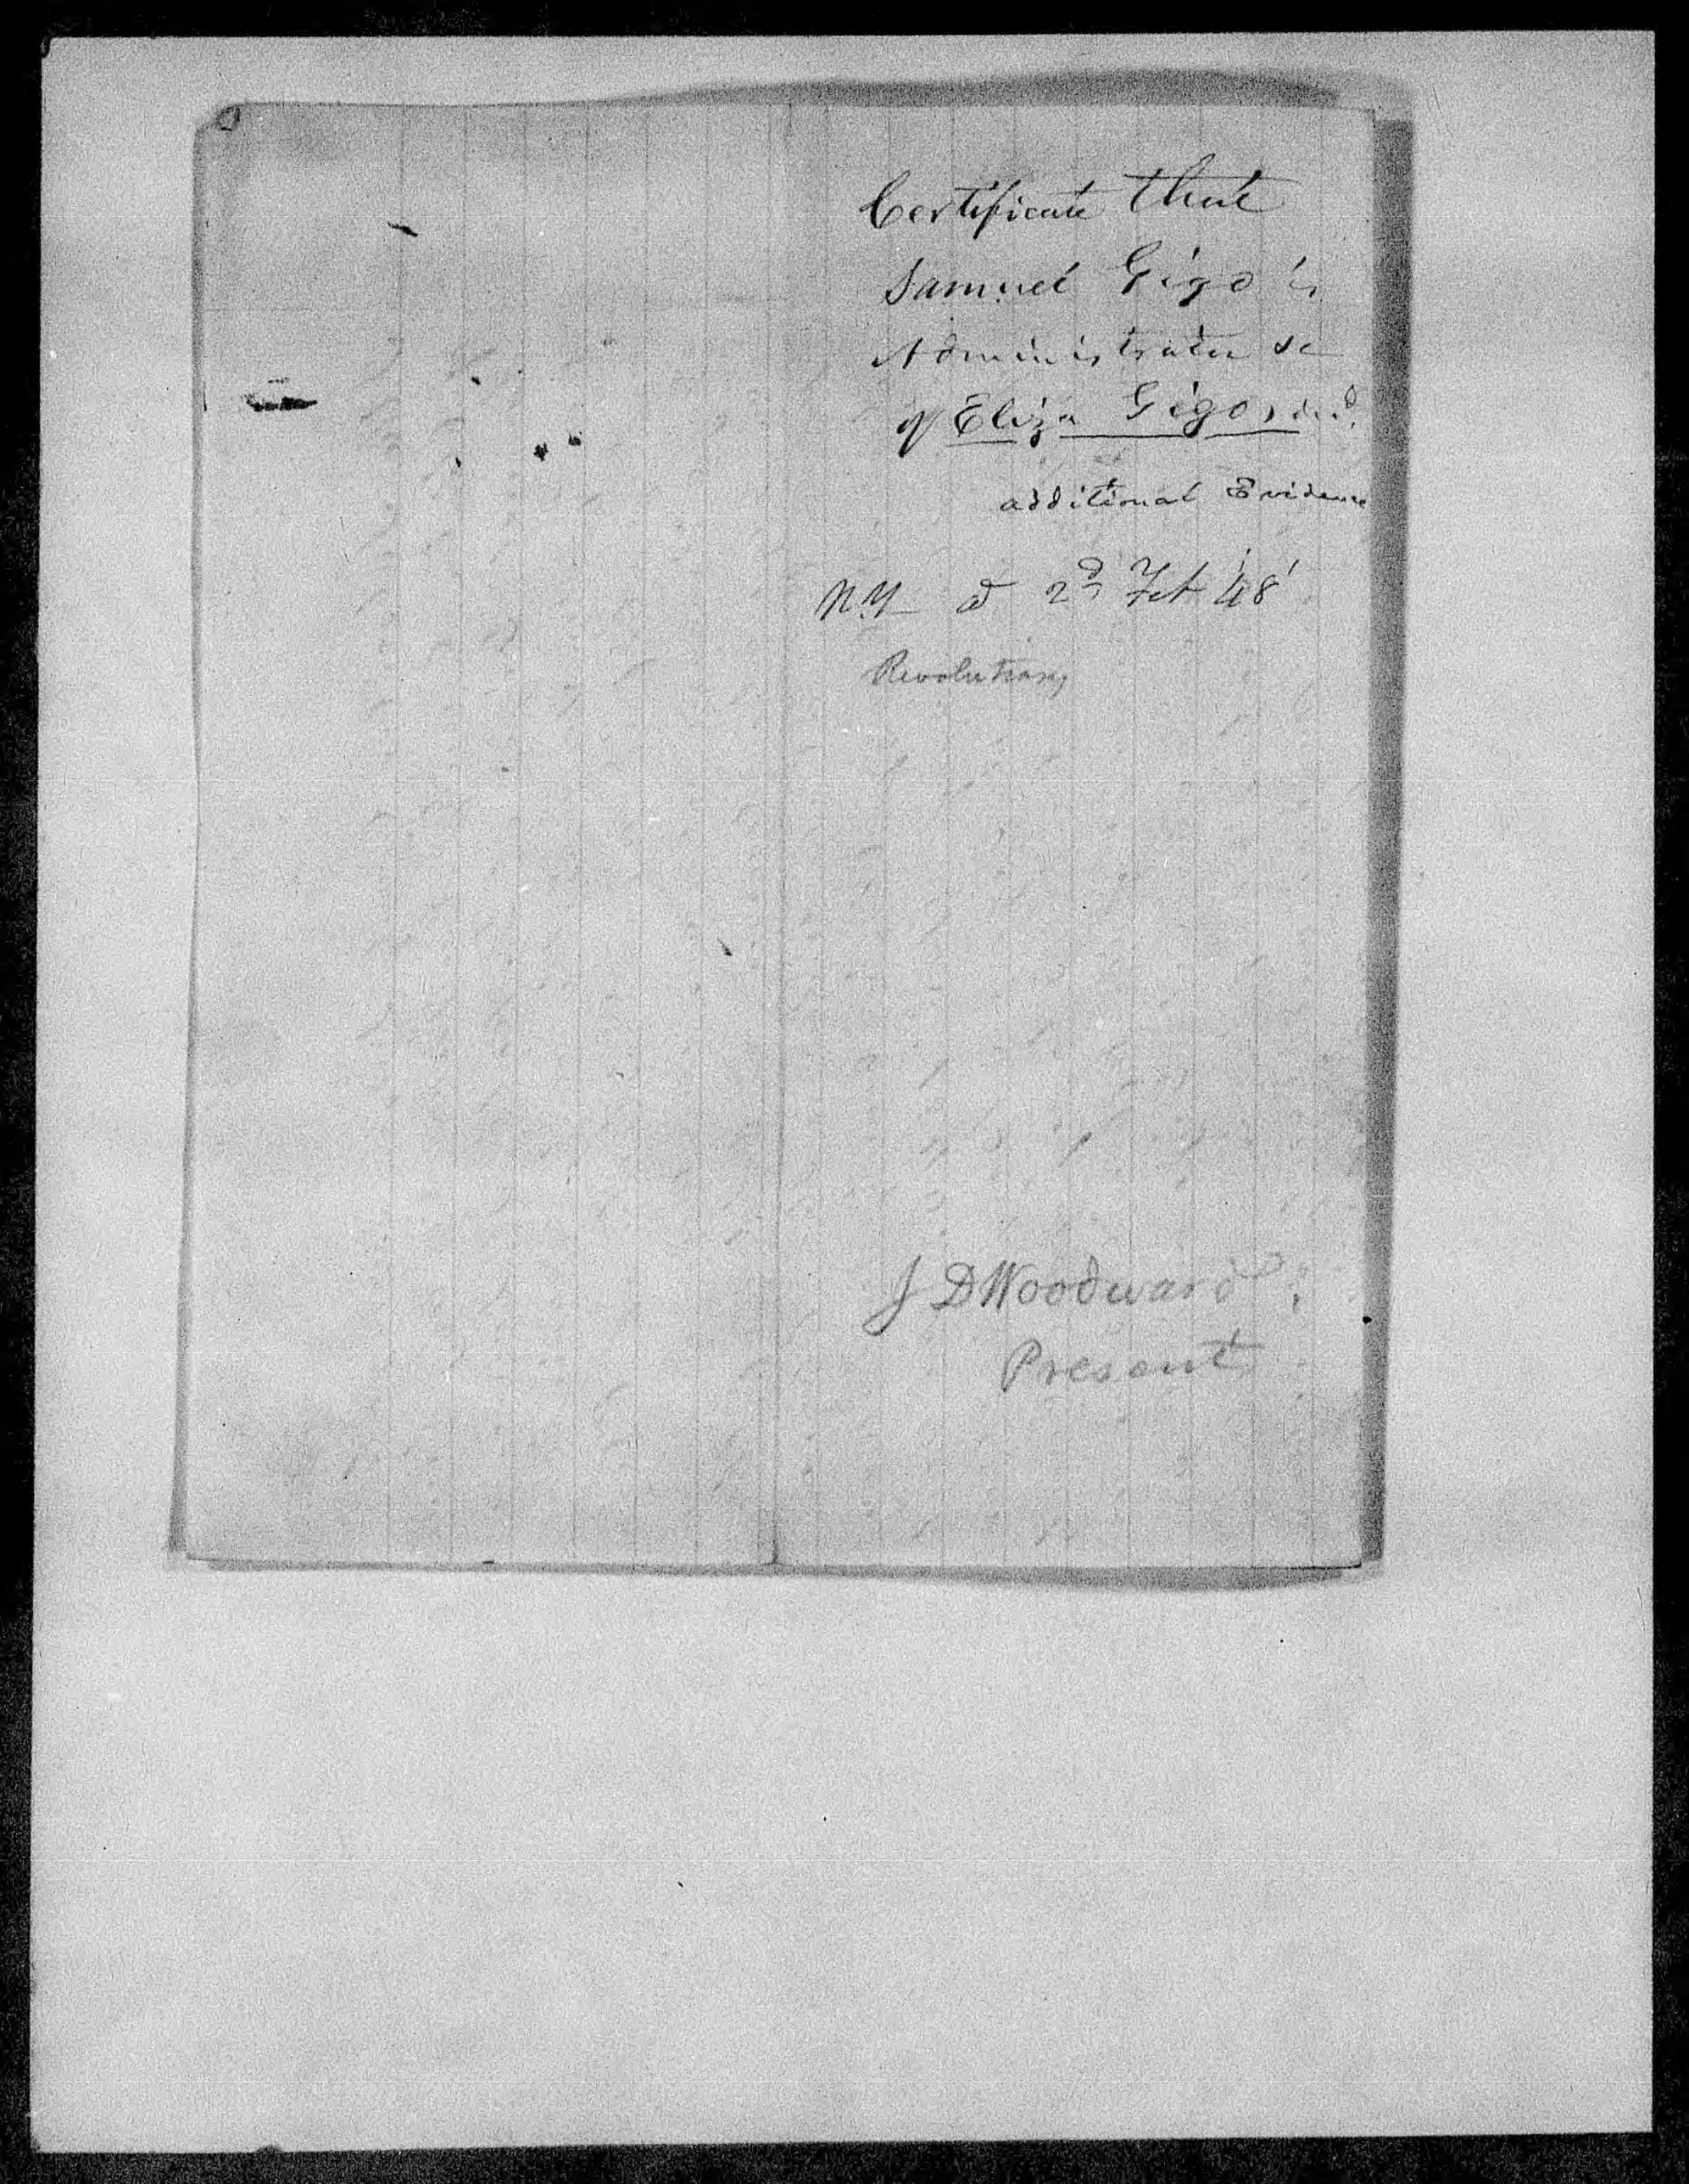Certificate that
Samuel Gigo E.
Administrater sc
of Eliza Gigo, decd
additional evidence
N. Y. at 2d Feb. '48
Revolutionary

J. D. Woodward
Present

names: J D Woodward, Eliza Gigo, Samuel Gigo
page: 46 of 98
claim: widow's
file: W. 21182, Francis Gigo, Continental (Canadian)